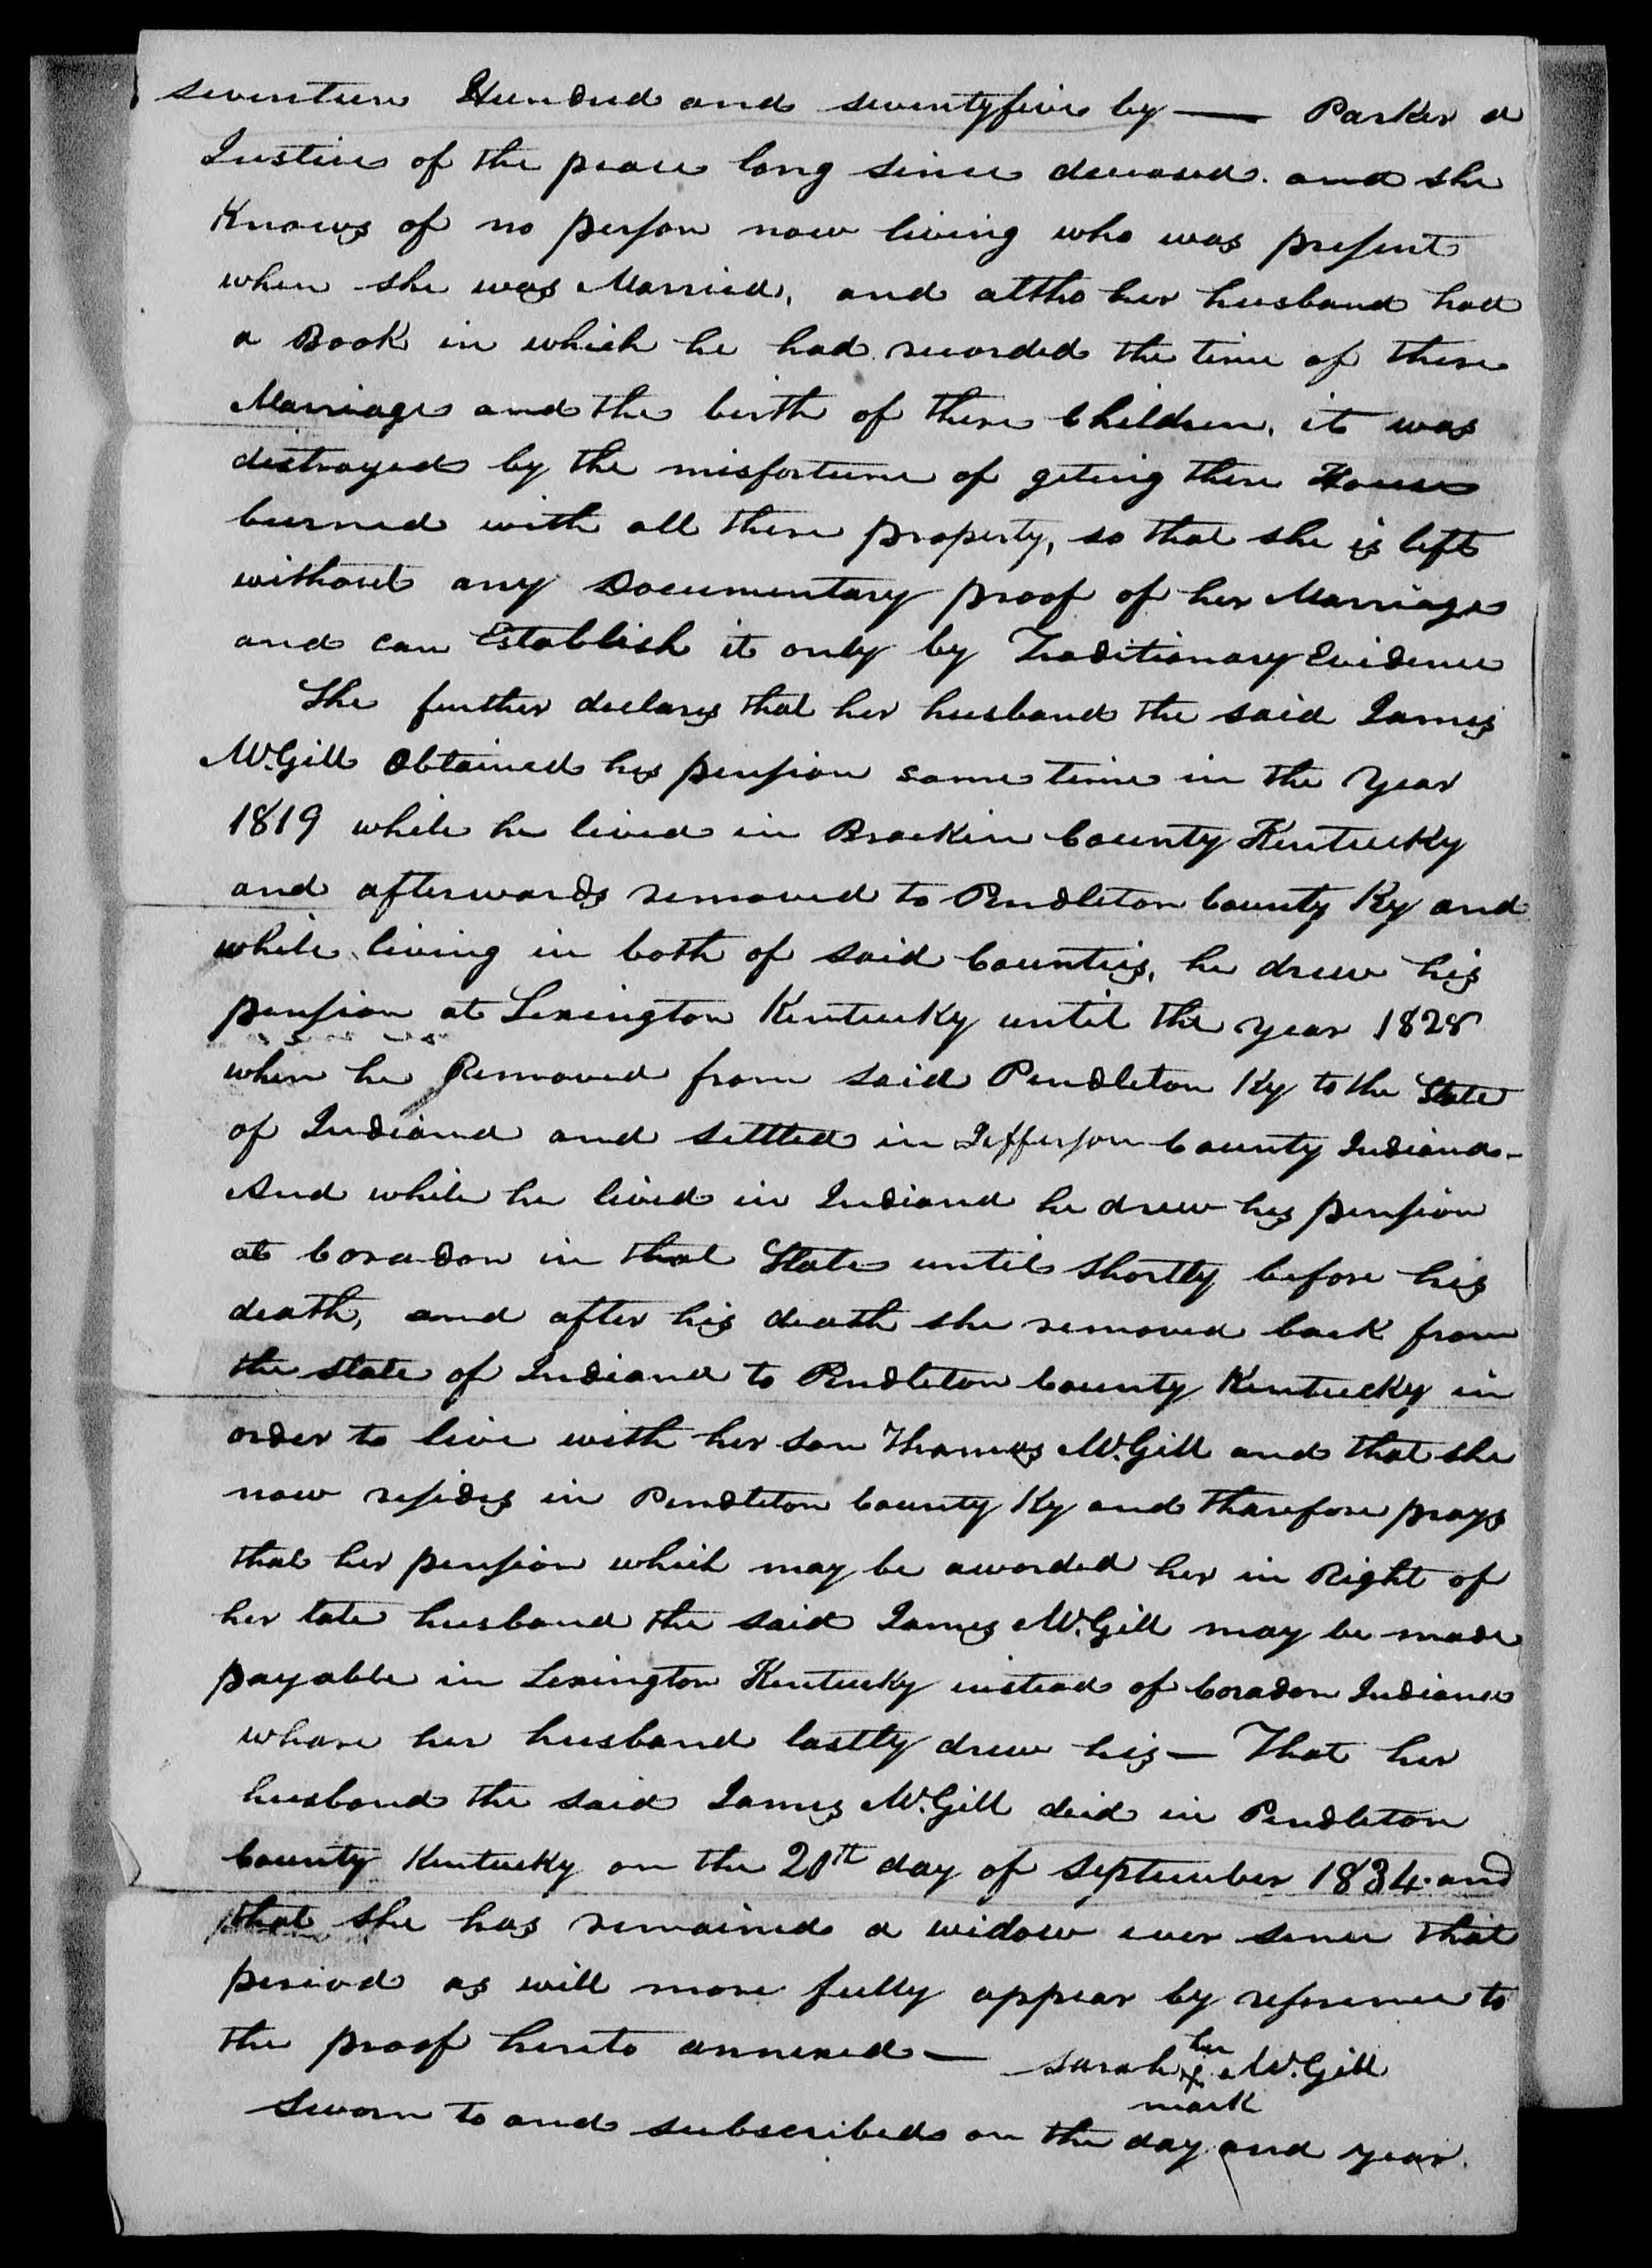Image 70    (# 4160873_00070)         
Fold3 File #23857237
[Continued from image 69]

seventeen hundred and seventy-five by _____ Parker, Justice of the Peace, long since deceased, and she knows of no person now living who was present when she was married, and altho' her husband had a book in which he had recorded the time of their marriage and the birth[s] of there [their] children, it was destroyed by the misfortune of getting their house burned with all their property, so that she is left without any Documentary proof of her marriage and can establish it only by Traditionary Evidence.
She further declares that her husband the said James McGill obtained his pension sometime in the year 1819 while he lived in Bracken County Kentucky and afterwards removed to Pendleton County KY and while living in both of said counties, he drew his pension at Lexington Kentucky until the year 1828 when he removed from said Pendleton KY to the state of Indiana and settled in Jefferson County Indiana. And while he lived in Indiana he drew his pension at Coradon [Corydon] in that state until shortly before his death, and after his death she removed back from the state of Indiana to Pendleton County Kentucky in order to live with his son Thomas McGill and that she now resides in Pendleton County KY and therefore prays that his pension which may be awarded her in right of her late husband the said James McGill may be made payable in Lexington Kentucky instead of Coradon [Corydon] Indiana where her husband lastly drew his - That her husband the said James McGill died in Pendleton County Kentucky on the 20th day of September 1834, and that she has remained a widow ever since that period as will more fully appear by reference to the proof hereto annexed --  Sarah McGill [her mark]

Sworn to and subscribed on the day and year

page: 13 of 71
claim: widow's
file: W. 8428, for James Mc Gill, Pennsylvania